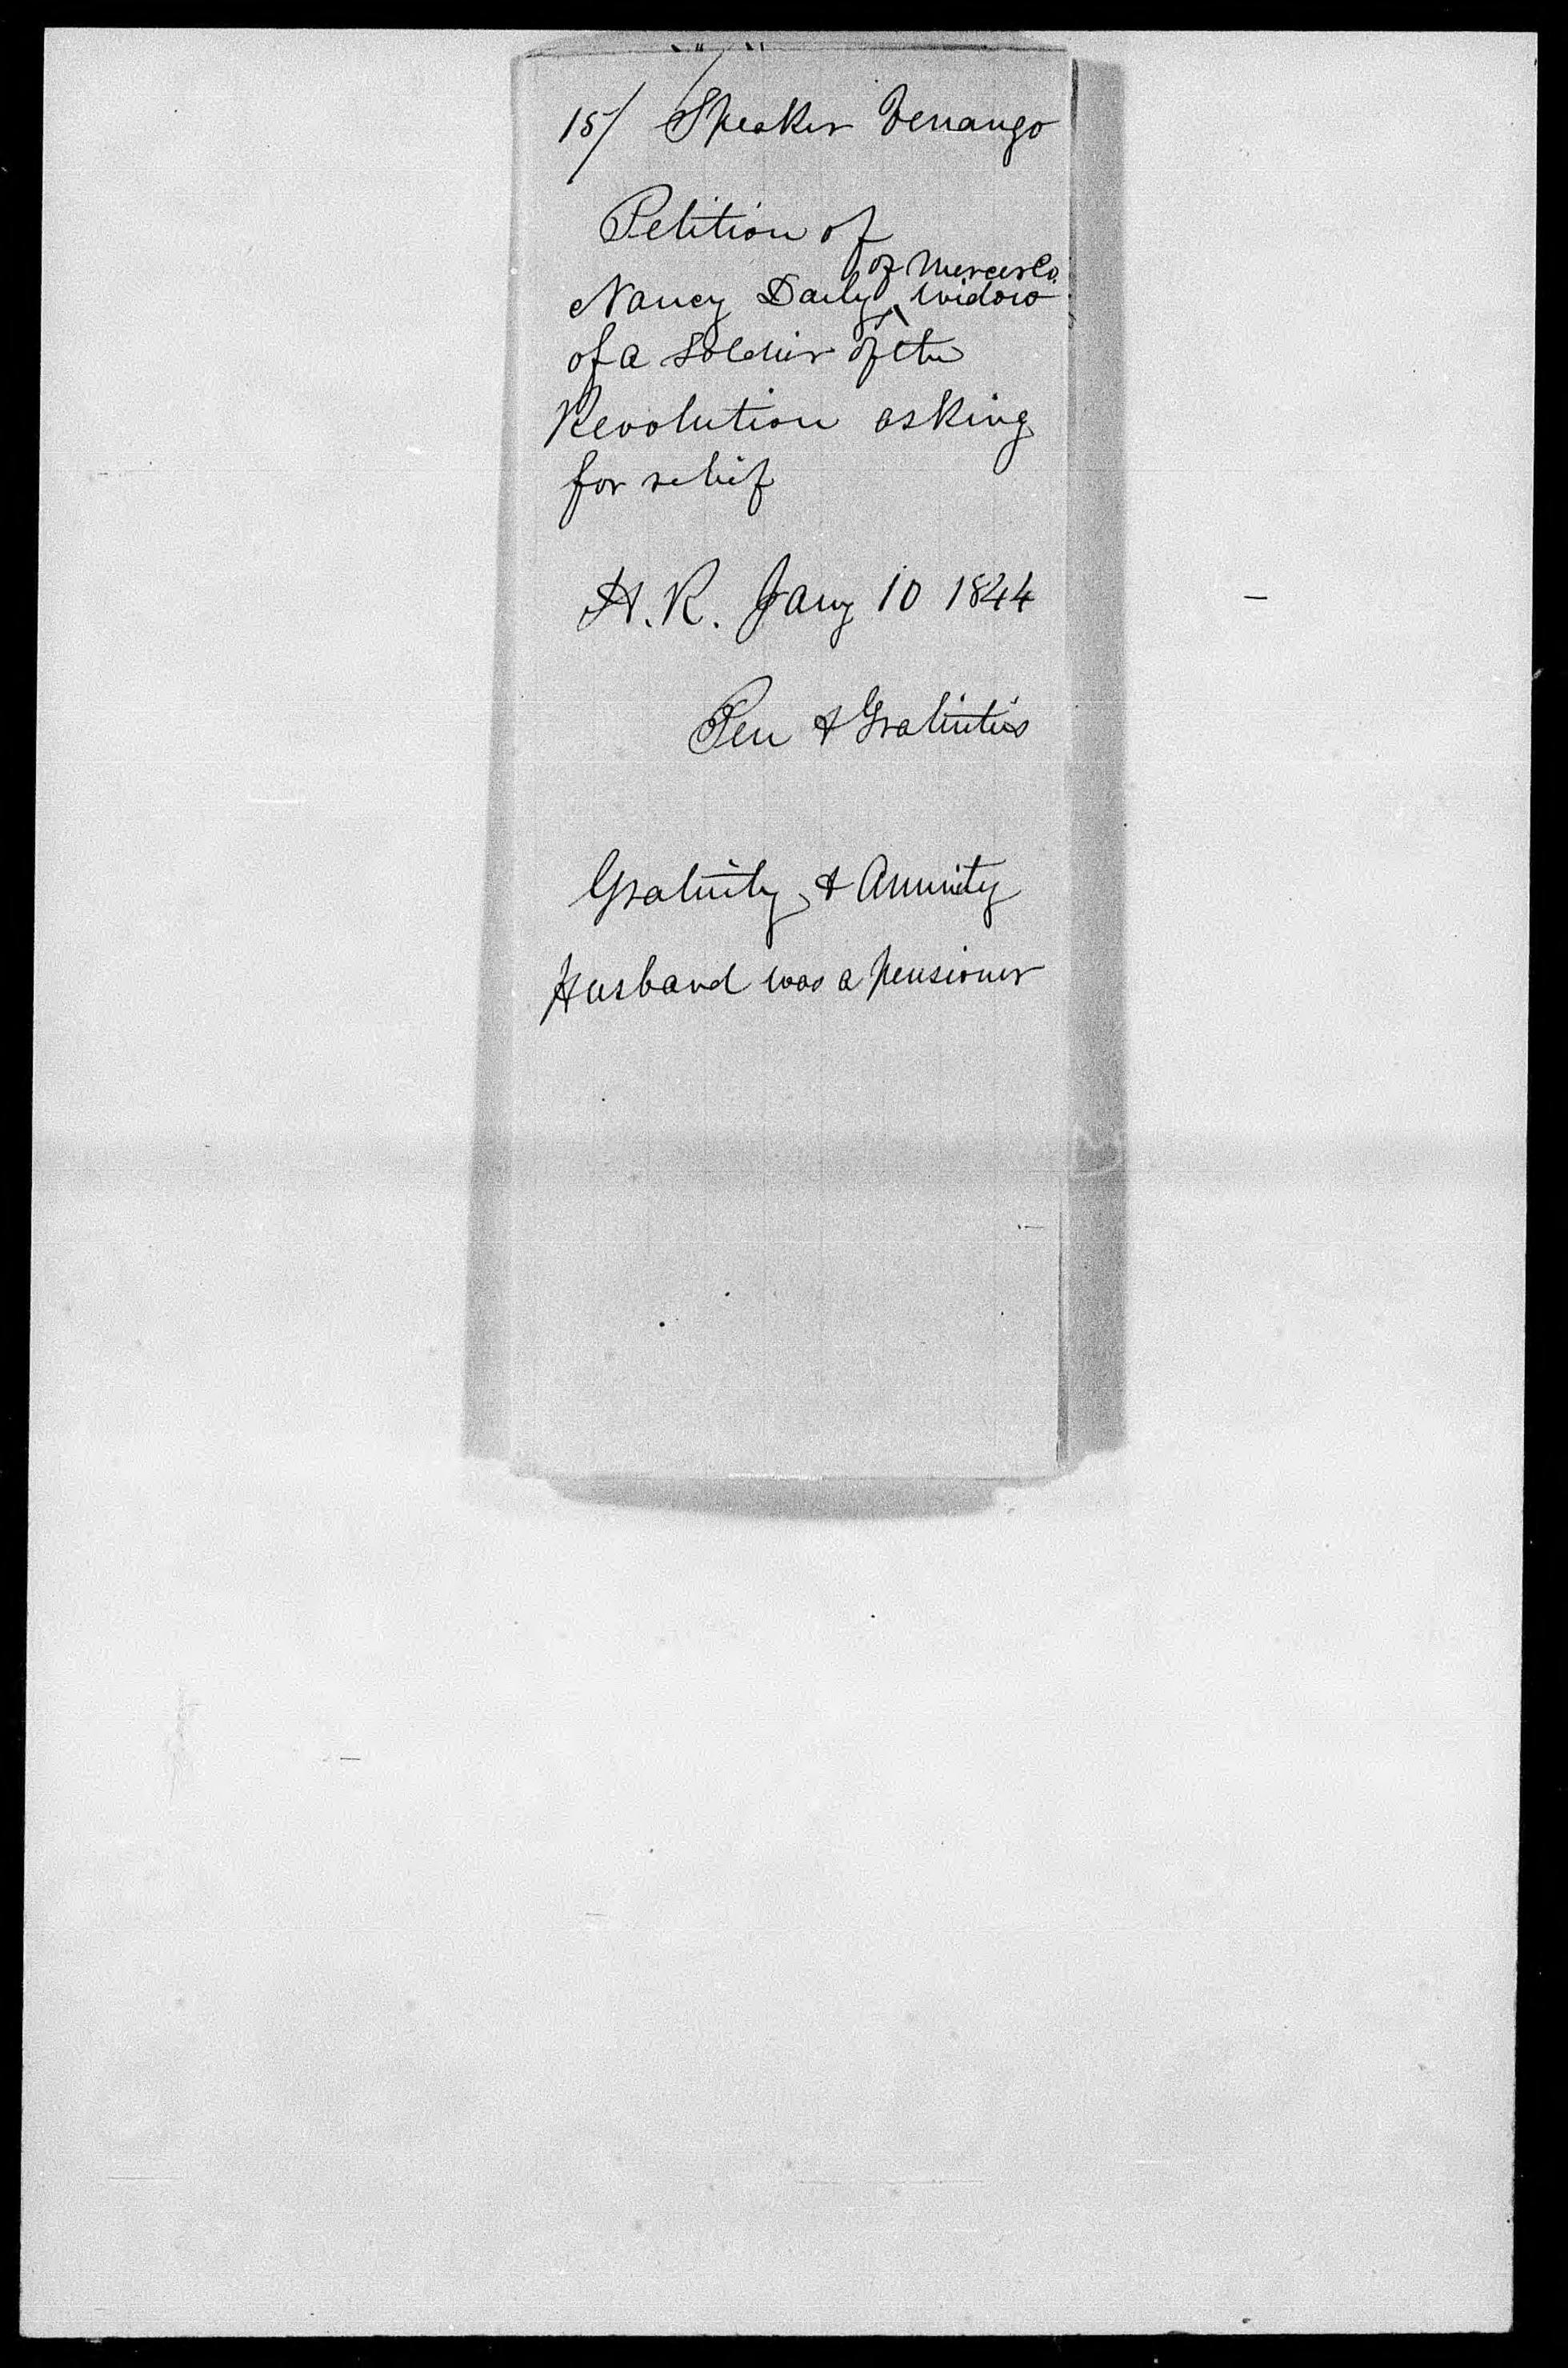1st Speaker Venango

Petition of
Nancy Daily of Mercer co. widow of a Soldier of the Revolution asking for relief

H.R. Jany 10 1844

Pen & Gratuities

Gratuity & Annuity
Husband was a pensioner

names: Nancy Daily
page: 52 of 63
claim: widow's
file: W. 3228, John Daly, Penn.